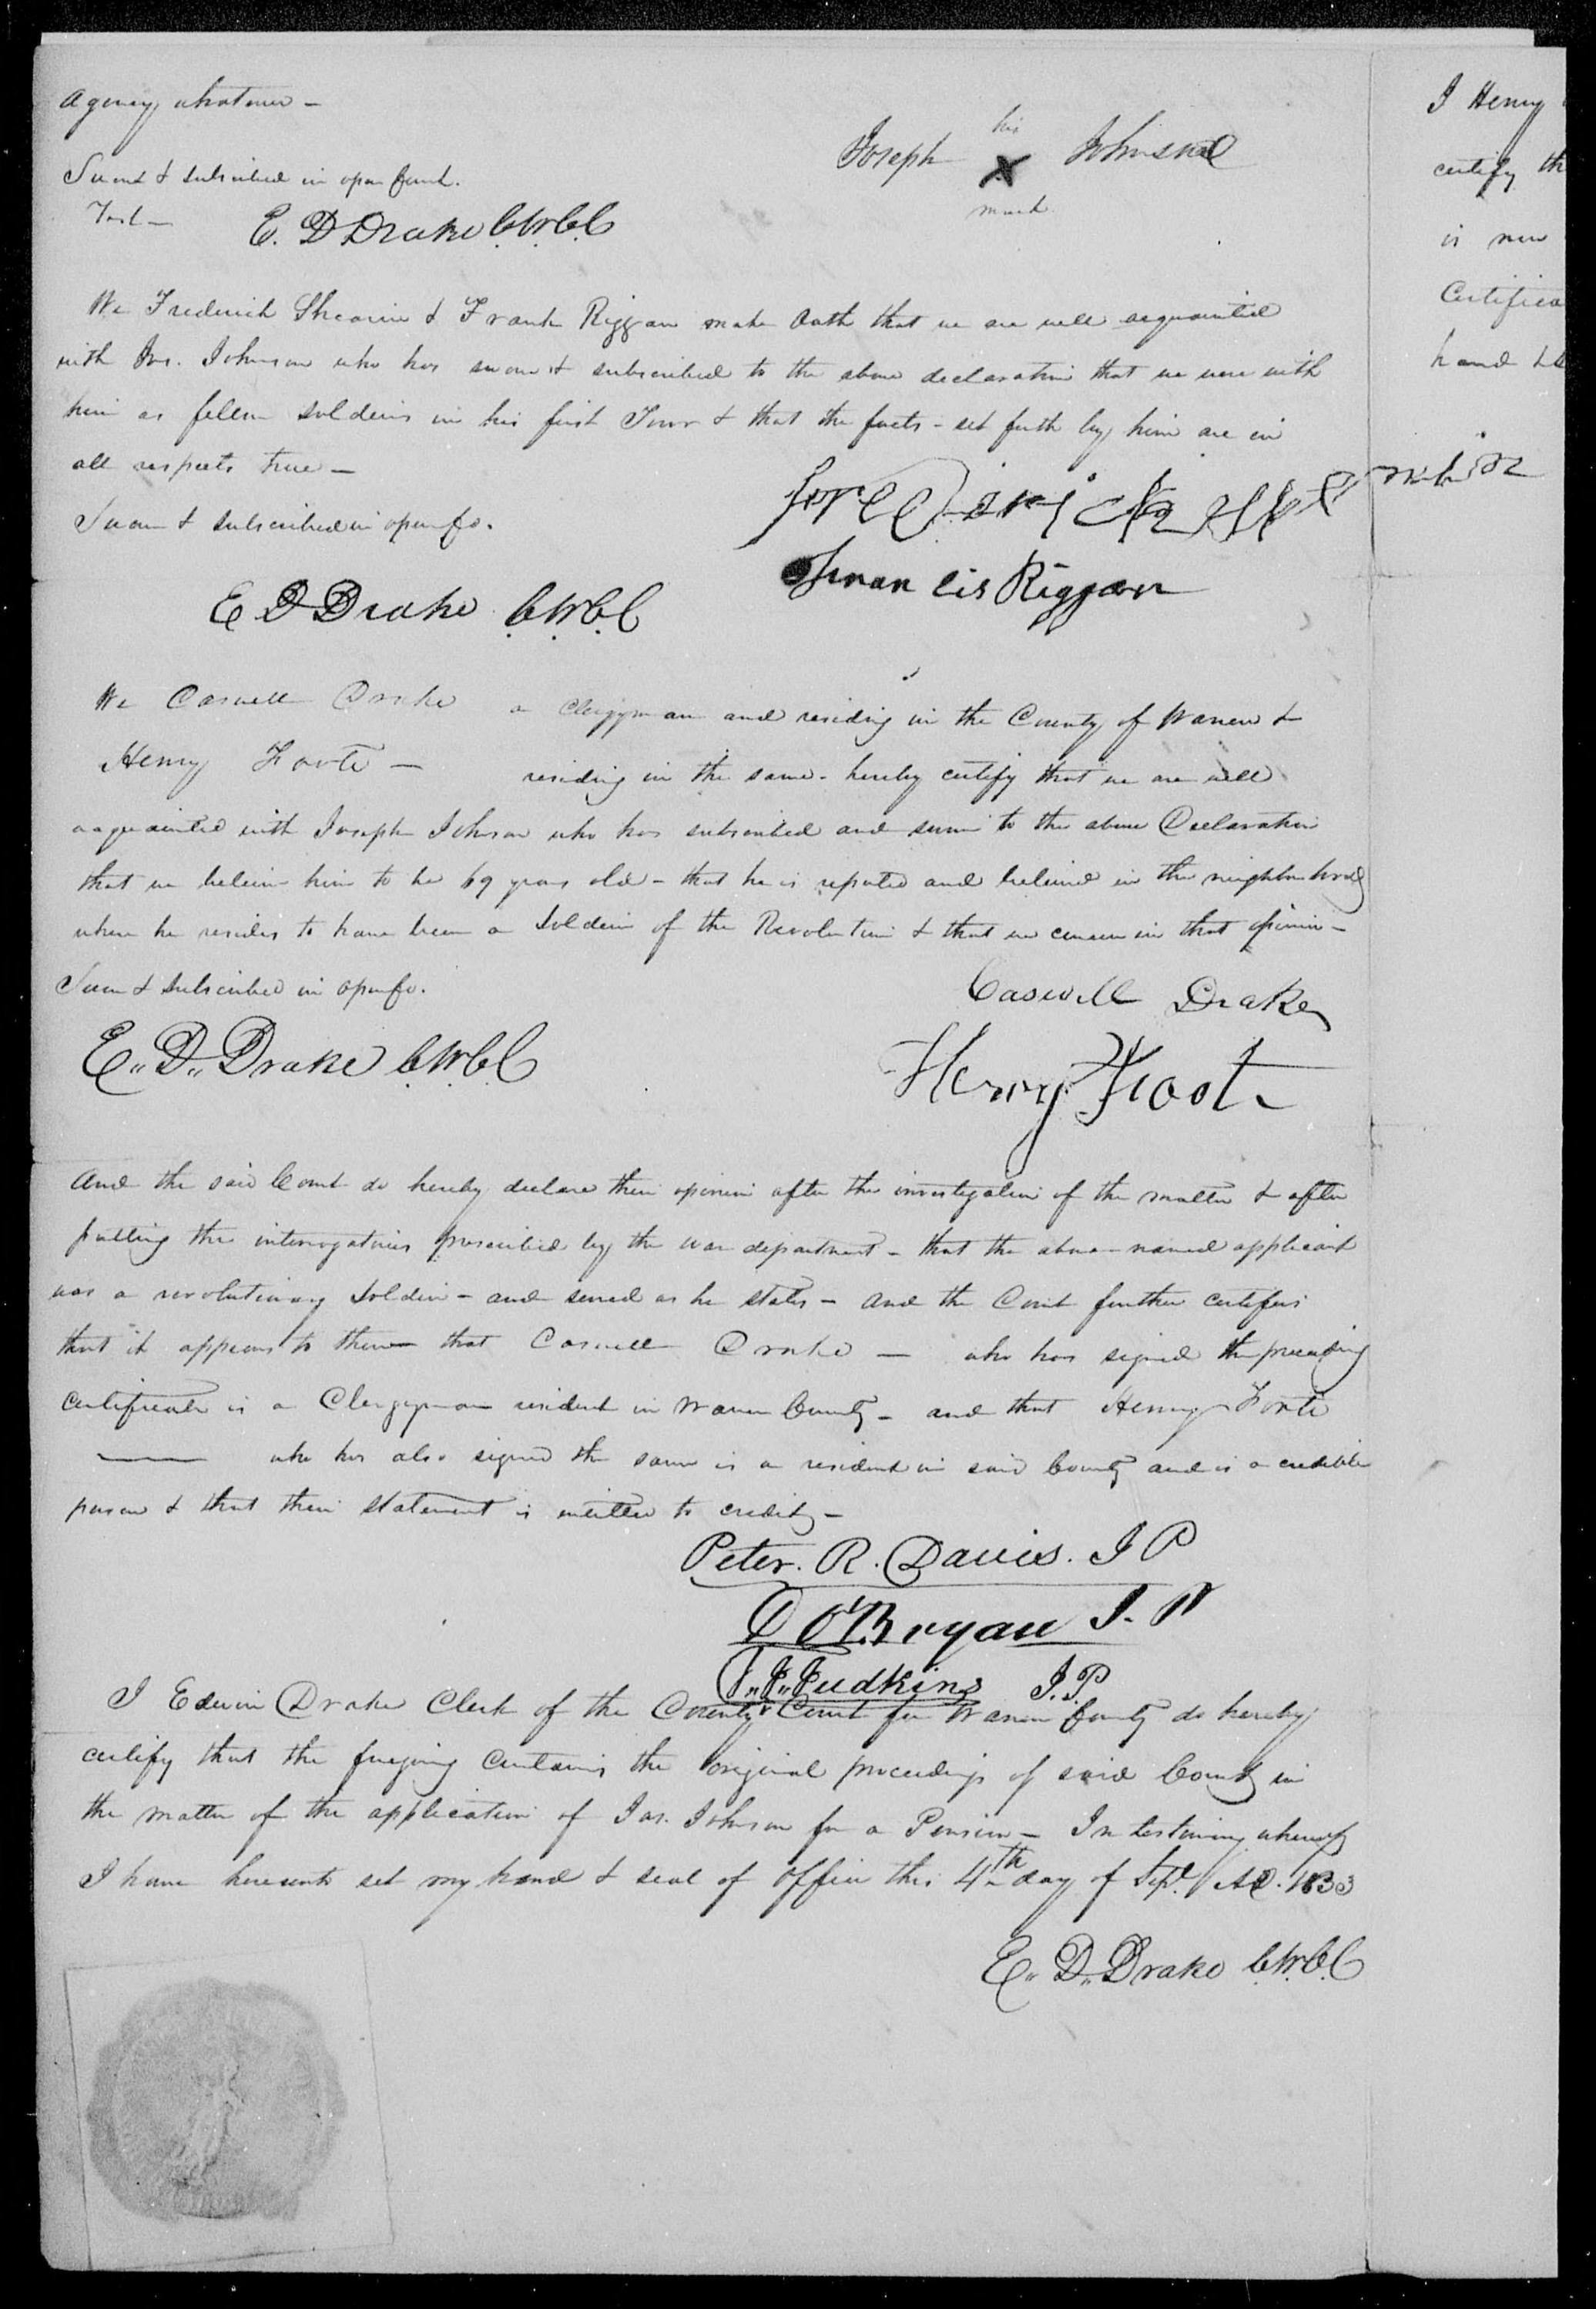[handwritten]

agency whatever-
Sworn & subscribed in open Court
E. D. Drake CWCC
Joseph his X mark Johnson
We Frederick Shearin & Frank Riggan make oath that we are well acquainted with
Jos. Johnson who has sworn & subscribed to the above declaration that we were with
him as fellow soldiers in his first tour & that the facts set forth by him are in all respects true-
Sworn & subscribed in open Co.
E D Drake CWCC
Frederick Shearin [signature]
Francis Riggan [signature]
We Caswell Drake a Clergyman and residing in the County of Warren & Henry Forte residing in the same hereby certify that we are well
acquainted with Joseph Johnson who has subscribed and sworn to the above Declaration
that we believe him to be 69 years old-- that he is reputed and believed in the neighborhood 
where he resides to have been a soldier of the Revolution & that we concur in that opinion -
Sworn & subscribed in open Co.
E. D. Drake CWCC
Caswell Drake
Henry Forte
And the said Court do hereby declare their opinion after the investigation of the matter & after
putting the interrogatives prescribed by the war department, that the above named applicant
was a revolutionary soldier and served as he states - And the Court further certifies
that it appears to them that Caswell Drake - who has signed the preceding
certificate is a Clergyman resident in Warren County and that Henry Forte
who has also signed the same is a resident in said County and is a credible person & that their statement is entitled to credit-
Peter R. Davis J.P.
D O'Bryan J. P
F. J. Judkins J. P
I Edwin Drake Clerk of the County do hereby
certify that the foregoing contains the original proceedings of said Court in the matter of the application of J. Johnson for a Pension. In testimony whereof I have hereunto set my hand & seal of office this 4th day of Sept AD 1833
E. D. Drake C.W.C.C.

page: 7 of 9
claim: survivor's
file: S. 7085, for Joseph Johnson, North Carolina